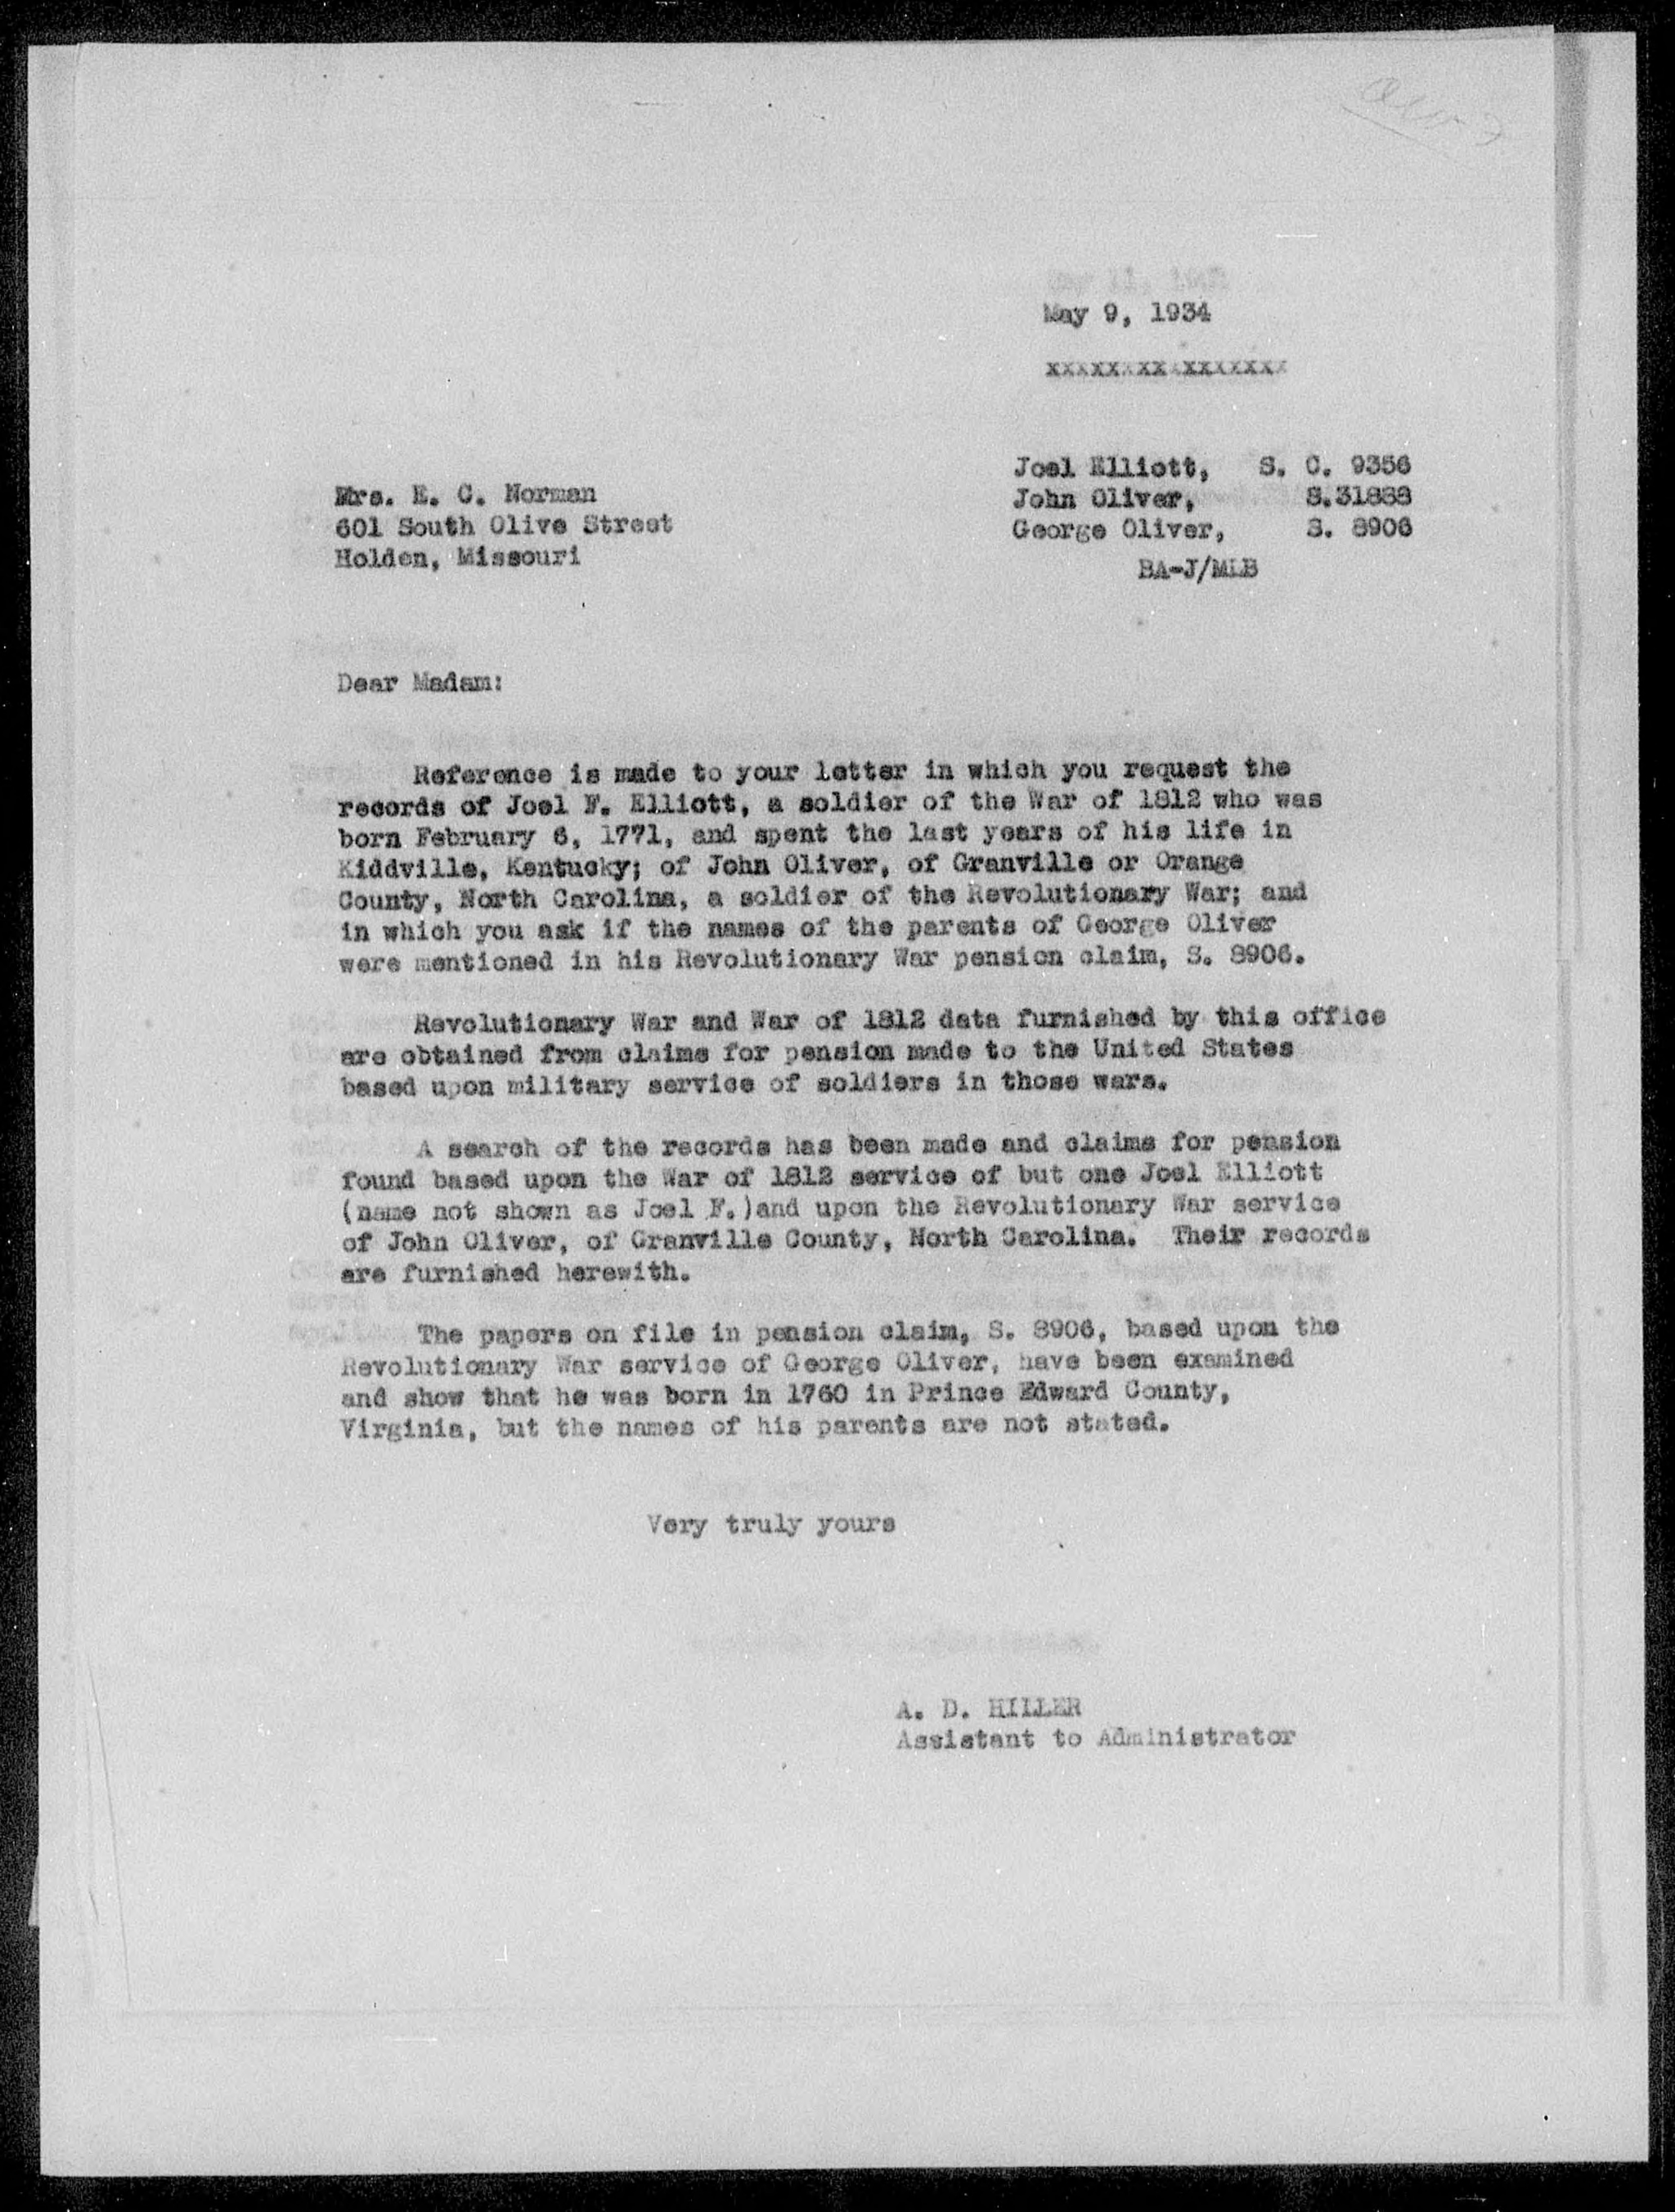May 9, 1934
                    xxxxxxxxxxxxxxx

Mrs. E. C. Norman
601 South Oliver Street
Holden, Missouri

Joel Elliott, S.C. 9356
John Oliver, S.31888
George Oliver, S.8906
BA-J/MLB

Dear Madam:
     Reference is made to your letter in which you request the records of Joel F. Elliott, a soldier of the War of 1812 who was born February 6, 1771, and spent the last years of his life in Kiddville, Kentucky; of John Oliver, of Granville or Orange County, North Carolina, a soldier of the Revolutionary War; and in which you ask if the names of the parents of George Oliver were mentioned in his Revolutionary War pension claim, S.8906.
     Revolutionary War and War of 1812 data furnished by this office are obtained from claims for pension made to the United States based upon military service of soldiers in those wars.
     A search of the records has been made and claims for pension found based upon the War of 1812 service of but one Joel Elliott (name not shown as Joel F.) and upon the Revolutionary War service of John Oliver, of Granville County, North Carolina.  Their records are furnished herewith.
     The papers on file in pension claim, S.8906, based upon the Revolutionary War service of George Oliver, have been examined and show that he was born in 1760 in Prince Edward County, Virginia, but the names of his parents are not stated.
                  Very truly yours

                   A.D. HILLER
                   Assistant to Administrator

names: Joel Elliott; Joel F Elliott; George Oliver; John Oliver; A D Hiller; E C Norman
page: 28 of 32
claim: survivor's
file: S. 31888, for John Oliver, North Carolina